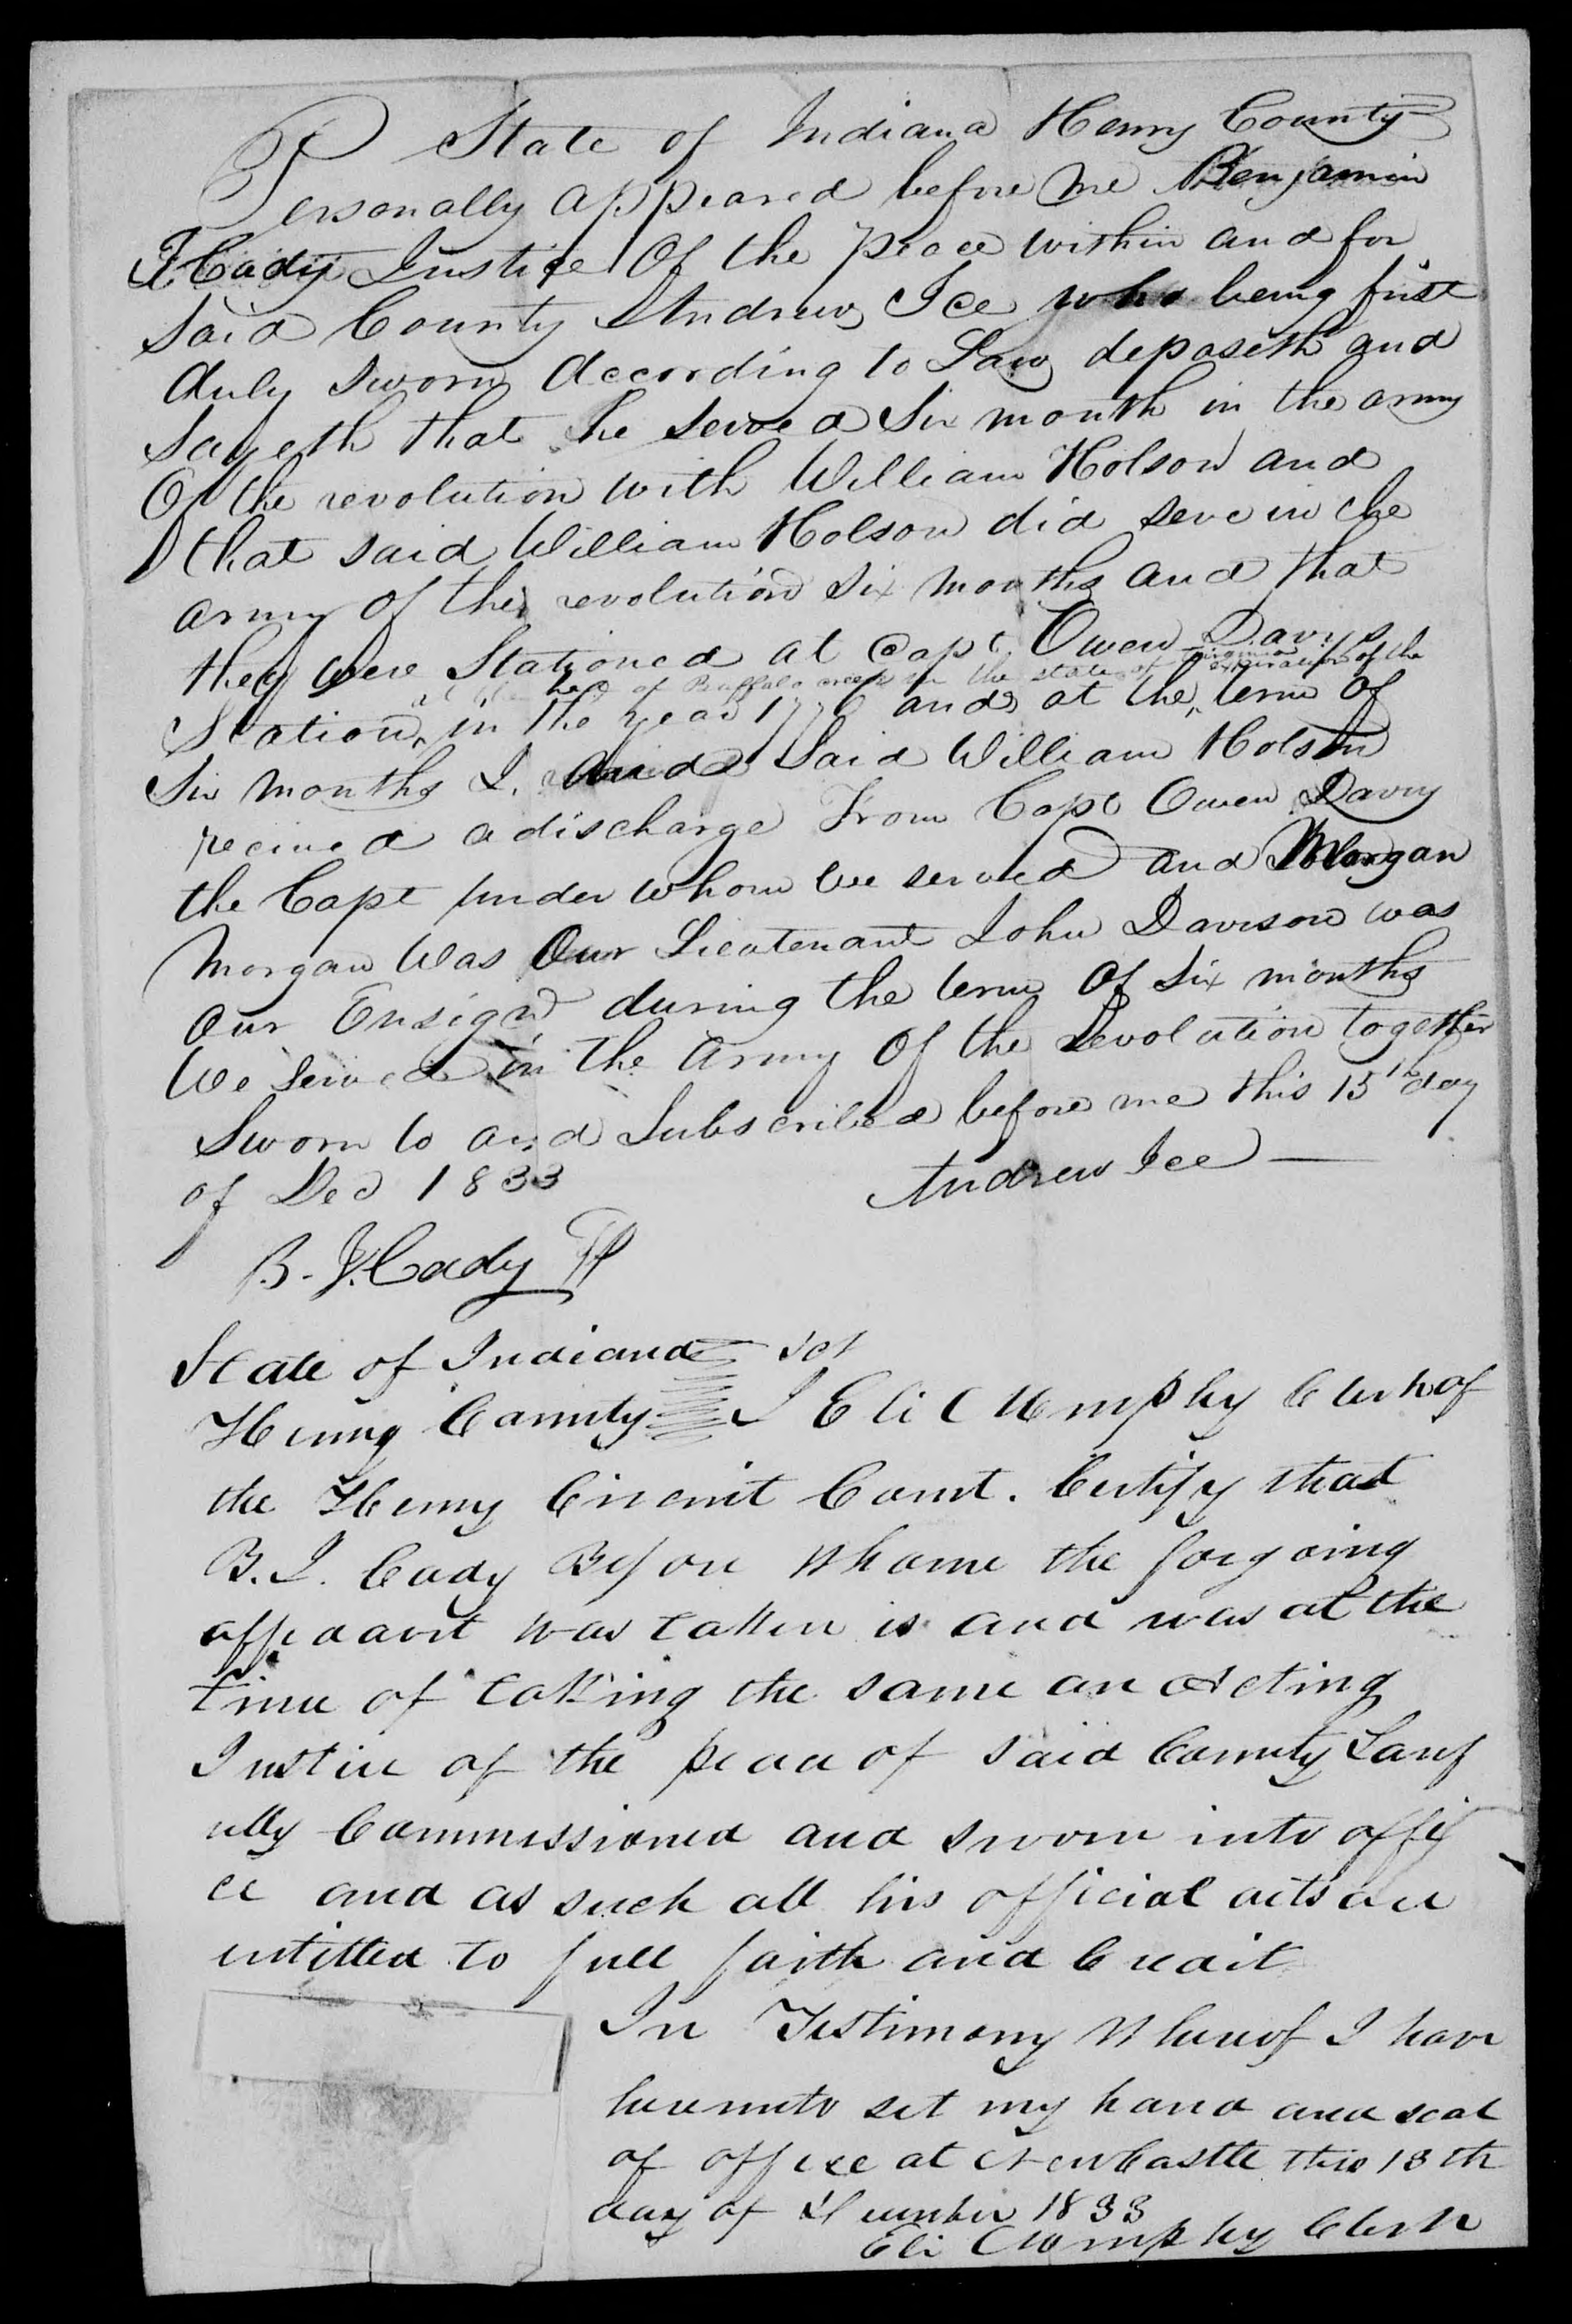State of Indiana Henry County
Personally appeared before me Benjamin J Cady Justice of the Peace within and for said County Andrew Ice who being first duly sworn according to Law deposeth and saith that he served Six months in the army of the revolution with William Holson and that said William Holson did serve in the army of the revolution six months and that they were Stationed at Capt. Owen Davys Station at the head of Buffalo creek in the state of Virginia in the year 1776 and at the expiration of the term of six months I, saw Said William Holson received a discharge from Capt Owen Davey the Capt under whom we served and Morgan Morgan was our Lieutenant John Davison was our Ensign during the term of six months we served in the Army of the Revolution together
Sworn to and Subscribed before me this 15th day of Dec 1833
Andrew Ice
B. J. Cady JP

State of Indiana sct
Henry County I Eli C Murphy Clerk of the Henry Circuit Court Certify that B. J. Cady Before whom the foregoing affidavit was taken is and was at the time of taking the same an Acting justice of the peace of said County Lawfully Commissioned and sworn into office and as such all his official acts are entitled to full faith and credit
In Testimony whereof I have hereunto set my hand and seal of office at New Castle this 18th day of December 1833
Eli Murphy Clerk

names: Benjamin J Cady, Morgan Morgan, B J Cady, William Holson, Owen Davy, John Davison, Eli C Murphy, B J Cady, William Holson, Owen Davey, Andrew Ice, Andrew Ice, Eli C Murphy, William Holson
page: 29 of 33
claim: survivor's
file: S. 9587, William Holson, Va.